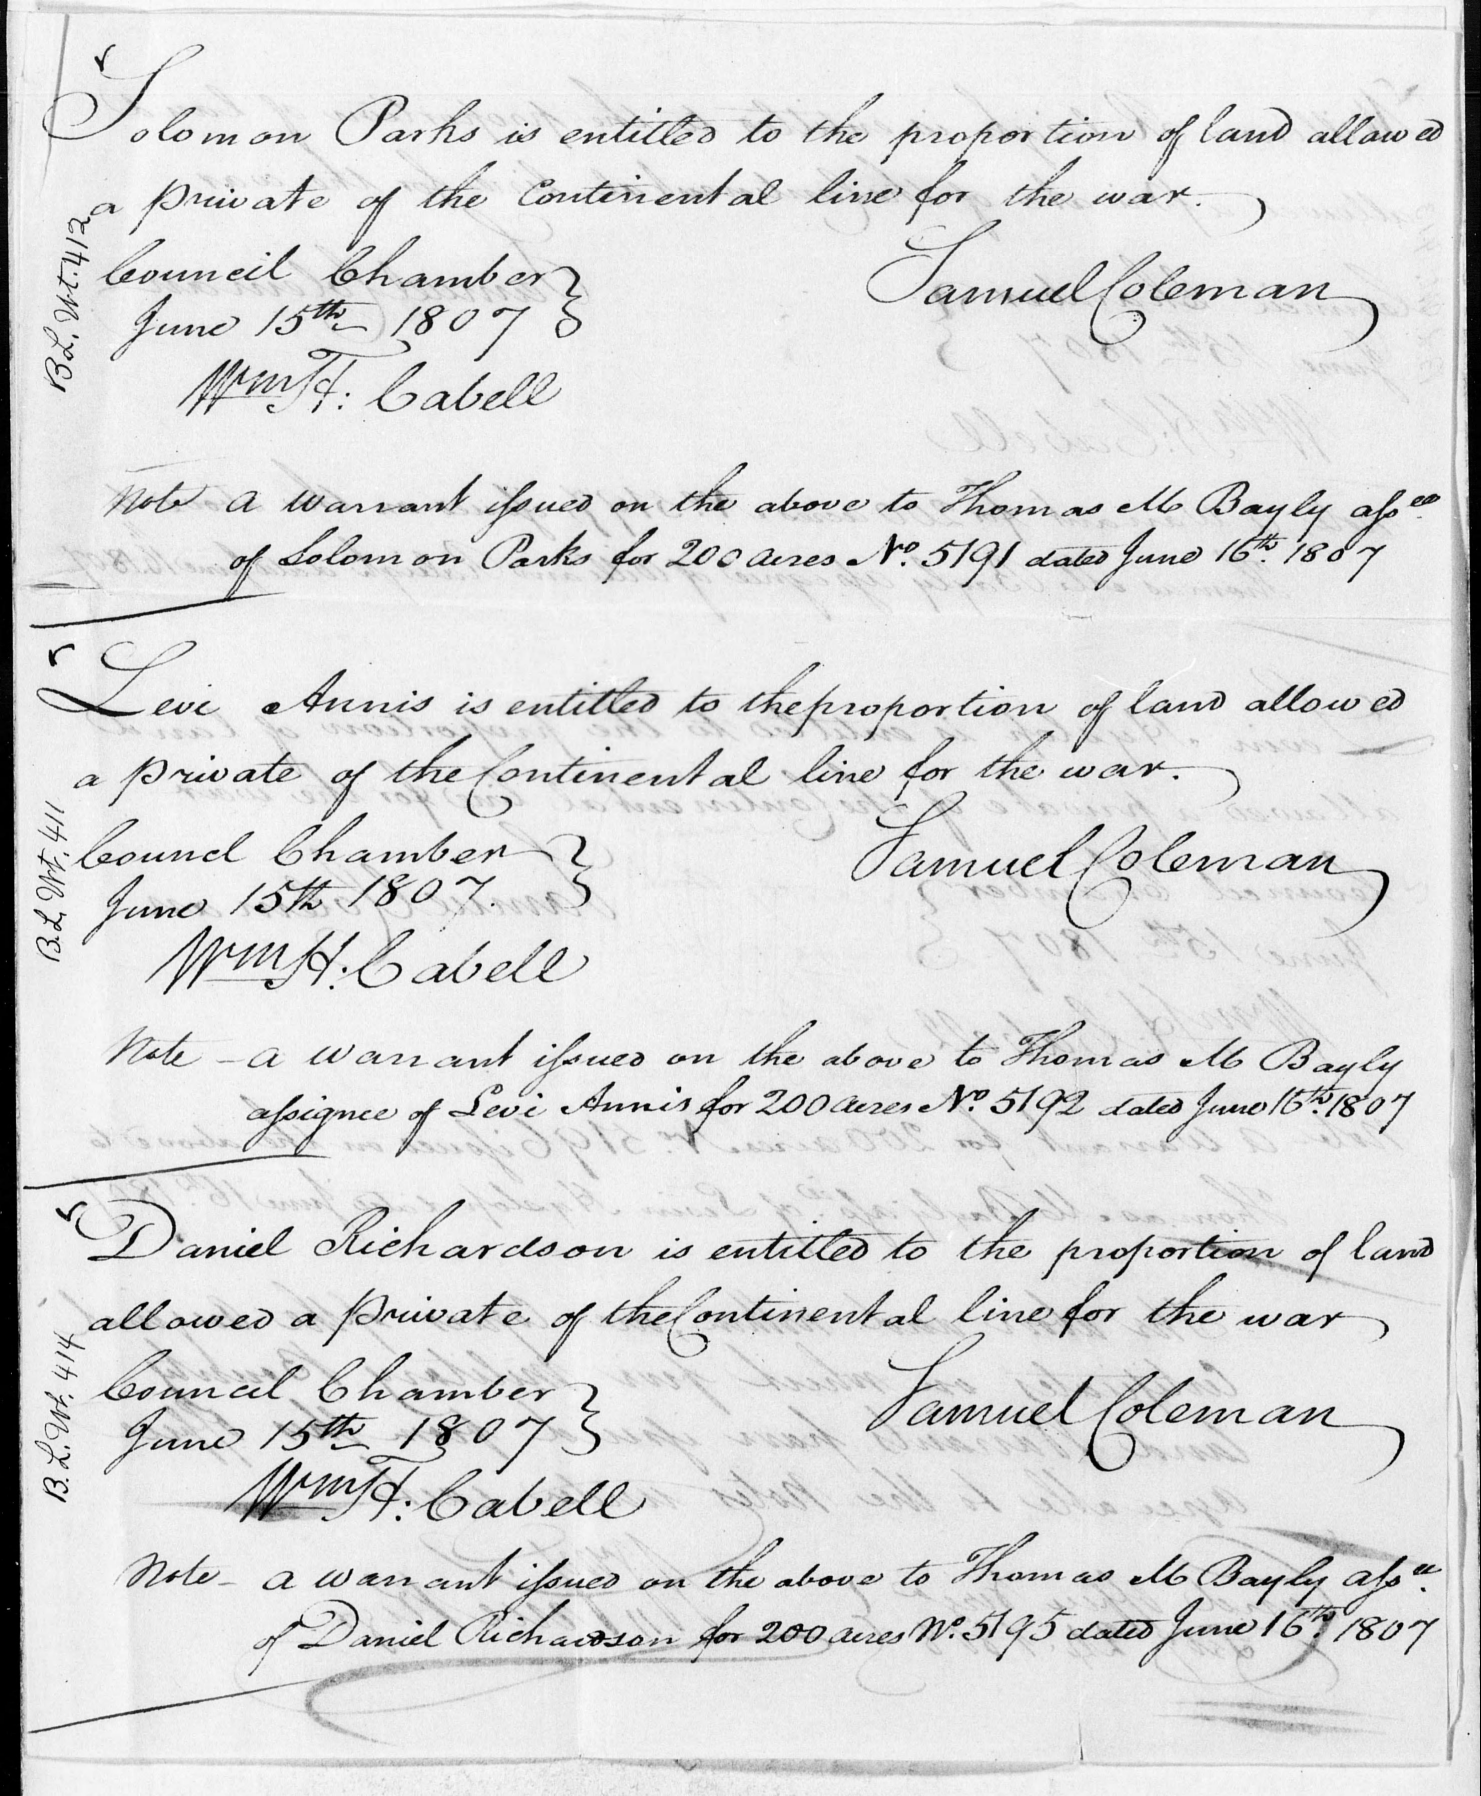BL Wt. 412
Solomon Parks is entitled to the proportion of land allowed a private of the Continental line for the war.
Samuel Coleman
Council Chamber
June 15th 1807
Wm. H. Cabell

Note a warrant issued on the above to Thomas M. Bayly ass'ee of Solomon Parks for 200 aces No. 5191 dated June 16th 1807

BL Wt. 411
Levi Annis is entitled to the proportion of land allowed a private of the Continental line for the war.
Samuel Coleman
Council Chamber
June 15th 1807
Wm. J. Cabell

Note a warrant issued on the above to Thomas M Bayly assignee of Levi Annis for 200 acres No. 5192 dated June 16th 1807

BL Wt. 414
Daniel Richardson is entitled to the proportion of land allowed a private of the Continental line for the war.
Samuel Coleman
Council Chamber
June 15th 1807
Wm. J. Cabell

Note a warrant issued on the above to Thomas M Bayly assignee of Daniel Richardson for 200 acres No. 5195 dated June 16th 1807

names: Samuel Coleman, Daniel Richardson, Levi Annis, Daniel Richardson, Thomas M Bayly, Solomon Parks, Wm H Cabell, Solomon Parks, Thomas M Bayly, Samuel Coleman, Samuel Coleman, Wm H Cabell, Thomas M Bayly, Levi Annis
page: 25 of 27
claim: widow's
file: W 5624, Levi Annis, Va. Va. Sea Service